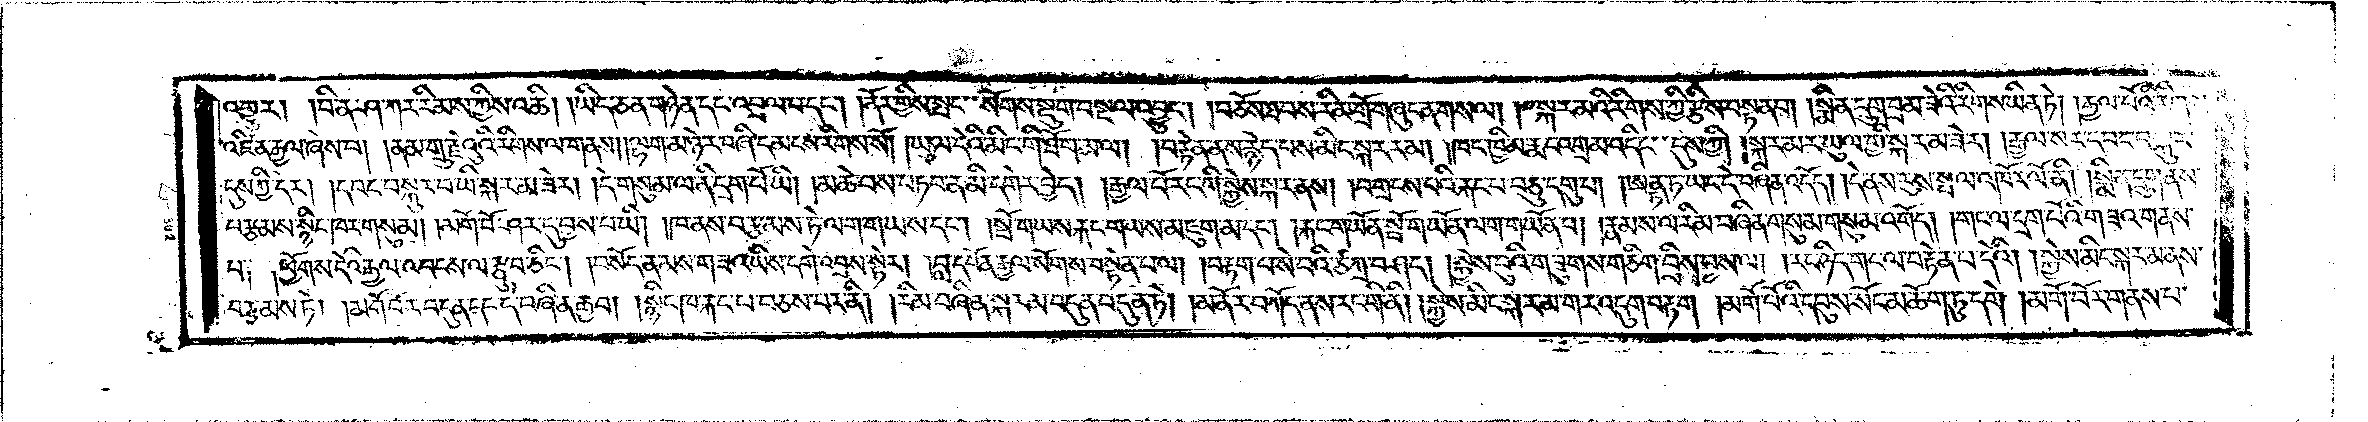འགྱུར། །བི་ན་ཤ་ཀར་རིམས་ཀྱིས་འཆི། །ཡིད་ཅན་གཉེན་དང་འབྲལ་པ་དང་། །ནོར་གྱིས་སྤང་སོགས་སྡུག་བསྔལ་འབྱུང་། །བཅོས་ཐབས་རིམ་གྲོ་གཞུང་ན་གསལ། །སྐར་མའི་རིགས་ཀྱི་རྩིས་བསྟན་པ། །སྨིན་དྲུག་བྲམ་ཟེའི་རིགས་ཡིན་ཏེ། །རྒྱལ་པོའི་རིགས་
འཛིན་རྒྱལ་ཞེས་པ། །ནམ་གྲུ་རྗེའུའི་རིགས་ལ་གནས། །ལྷག་མ་ཉེར་བཞི་དམངས་རིགས་སོ། །ཡུལ་དེའི་མིང་གི་ཐོག་མ་ལ། །བརྟེན་ནས་རྙེད་པས་མིང་སྐར་རམ། །ཁང་ཁྱིམ་རྨང་འགྲམ་འདིང་དུས་ཀྱི། །སྐར་མར་ཡུལ་གྱི་སྐར་མ་ཟེར། །རྒྱལ་སར་དབང་བསྐུར་
དུས་ཀྱི་དེར། །དབང་བསྐུར་པ་ཡི་སྐར་མ་ཟེར། །དེ་གསུམ་ལ་ནི་དྲག་པོ་ཡི། །མཆེ་བས་བཏབ་ན་མི་དགེར་བྱེད། །རྒྱལ་པོ་རང་གི་སྐྱེས་སྐར་ནས། །བགྲངས་པའི་རྐང་པ་བཅུ་དགུ་པ། །ཨནྟ་ཡང་དེ་བཞིན་འདོད། །དེ་ནས་རུས་སྤལ་འཁོར་ལོ་ནི། །སྨིན་དྲུག་ནས་
བརྩམས་སྙིང་ཁར་གསུམ། །མགོ་བོ་ཤར་དུ་བྱས་པ་ཡི། །ཁ་ནས་བརྩམས་ཏེ་ལག་གཡས་དང་། །སྦོ་གཡས་རྐང་གཡས་མཇུག་མ་དང་། །རྐང་གཡོན་སྦོ་གཡོན་ལག་གཡོན་པ། །རྣམས་ལ་རིམ་བཞིན་གསུམ་གསུམ་འགོད། །གང་ལ་དྲག་པོའི་གཟའ་གནས་
པ༑ ༑ཕྱོགས་དེའི་རྒྱལ་འབངས་ལ་རྩུབ་ཅིང་། །བསོད་ནམས་གཟའ་ཡིས་དགེ་འབྲས་སྟེར། །བླ་དཔོན་རྒྱལ་སོགས་བསྟེན་པ་ལ། །བརྟག་པ་སེ་བའི་ཙཀྲ་བཤད། །སྐྱེས་བུའི་གཟུགས་གཅིག་བྲིས་བྱས་ལ། །རང་ཉིད་གང་ལ་བརྟེན་པ་དེའི། །སྐྱེས་མིང་སྐར་མ་ནས་
བརྩམས་ཏེ། །མགོ་བོར་བདུན་དང་དེ་བཞིན་རྒྱབ། །སྙིང་ཁ་རྐང་པ་བཅས་པར་ནི། །རིམ་བཞིན་སྐར་མ་བདུན་བདུན་ཏེ། །མ་ནོར་བཀོད་ནས་རང་གི་ནི། །སྐྱེས་མིང་སྐར་མ་གར་འདུག་བརྟག །མགོ་པོའི་དབུས་སོང་མཆོག་ཏུ་དགེ །མགོ་བོར་གནས་པ་